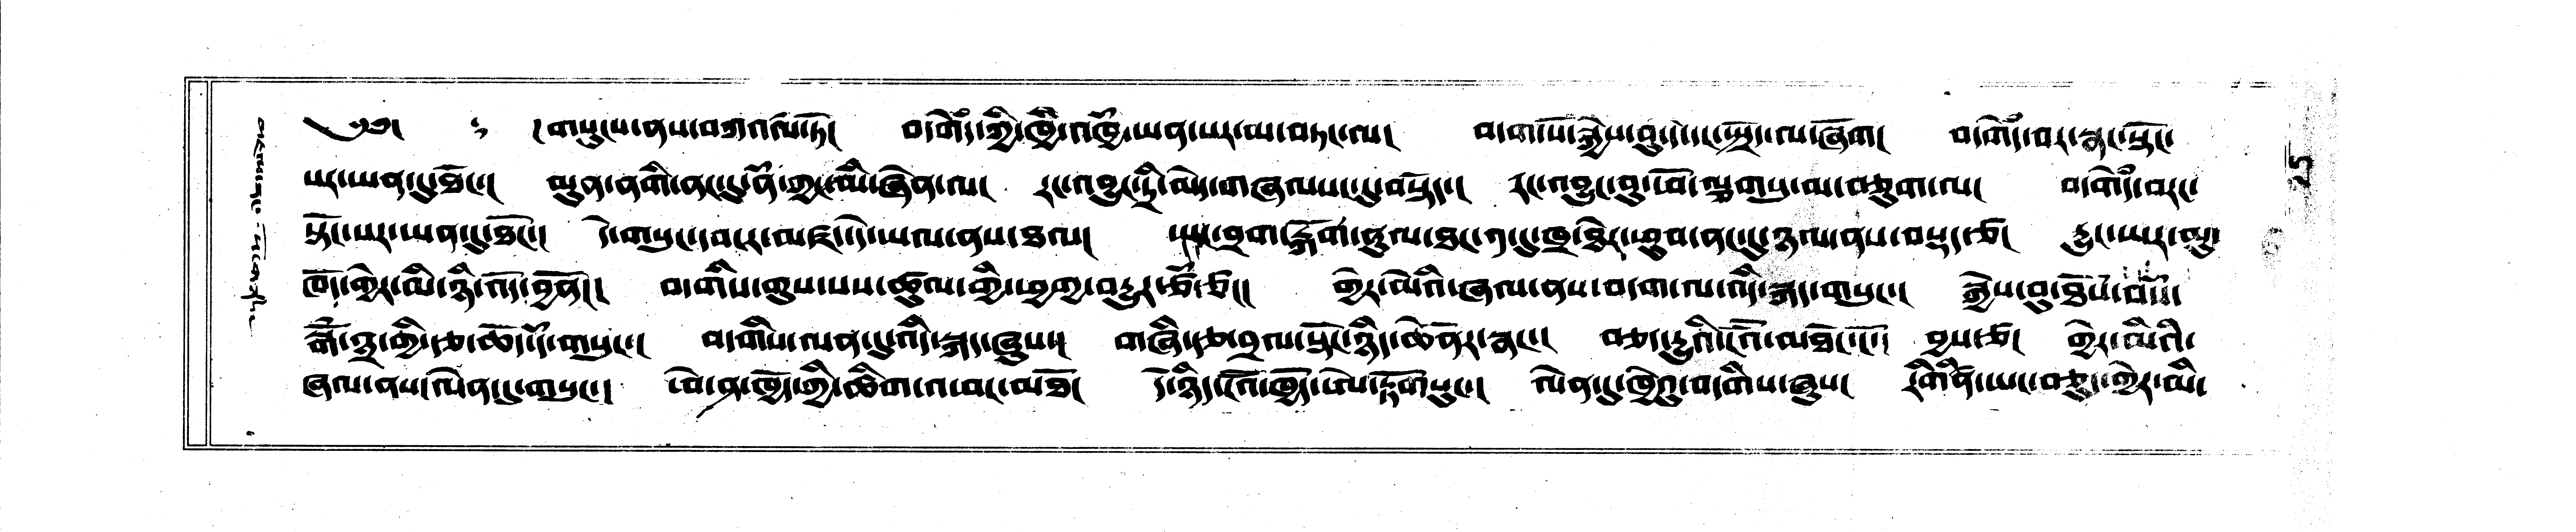གསུངས་ནས་བཀའ་སྩལ་ཏོ། བདག་མེད་ཀྱི་ཁྱི་འཁྱམ་ཡན་པར་མ་བཏང་ལ། བདག་པོ་སྐྱེས་བུ་དེ་དང་སྤྲོད་ལ་ཞོག བདག་མེད་བར་སྣང་སྟོང་
པར་ཡན་དུ་ཐོངས། མུན་ནག་གི་ནང་དུ་ནམ་ཀྱང་མི་ཞེན་ལ། རང་འབྱུང་དྲི་མེད་གཞལ་ཡས་དུ་བསྟོད། རང་འབྱུང་བུ་ཕོ་ལྕགས་སུ་མ་བཅུག་ལ། བདག་མེད་བར་
སྣང་སྟོང་པར་ཡན་དུ་ཐོངས། དེ་གསུང་དབང་བསྐུར་མཛད་དེ་ཡལ་ནས་ཐལ། སྤར་བྲག་རྐོག་ནུལ་ཐང་ཅིག་ཏུ་ཁྲ་ཐེར་ཕུབ་ནང་དུ་ཉལ་ནས་བསྡད་ཙ། རྒྱུང་ཡར་མུ་
ཁོད་གྱེར་མི་ཉི་འོད་བྱོན། བདག་གིས་གུས་པས་ཚུལ་གྱིས་ཕྱག་རྒྱ་བསྒྱུར་ཙམ་ཙ། གྱེར་མིའི་ཞལ་ནས་བདག་ལ་འདི་སྐད་གསུང་། སྐྱེས་བུ་ཐོས་བསམ་
སྒོམ་གསུམ་གྱི་རྩ་ཆོད་དམ་གསུང་། བདག་གིས་ལན་དུ་འདི་སྐད་ཞུས། གཞི་རྩ་བྲལ་སྟོང་ཉིད་ཆེན་པོར་སྣང་། བཅད་རྒྱུའི་ངོ་བོ་༼མ༽མཐོང་ངོ་། བྱས་ཙ། གྱེར་མིའི་
ཞལ་ནས་ལེན་དུ་གསུང་། ཕེ་ཤ་ཁྱོད་ཀྱི་ཚིག་འཕང་མཐོ། དེ་ཉིད་ངོ་བོ་ཁྱོད་ཨེ་རྟོགས་གསུང་། ལེན་དུ་ཁྱེའུ་བདག་གིས་ཞུས། རིག་འཛིན་ཡང་བཅུད་གྱེར་མི་